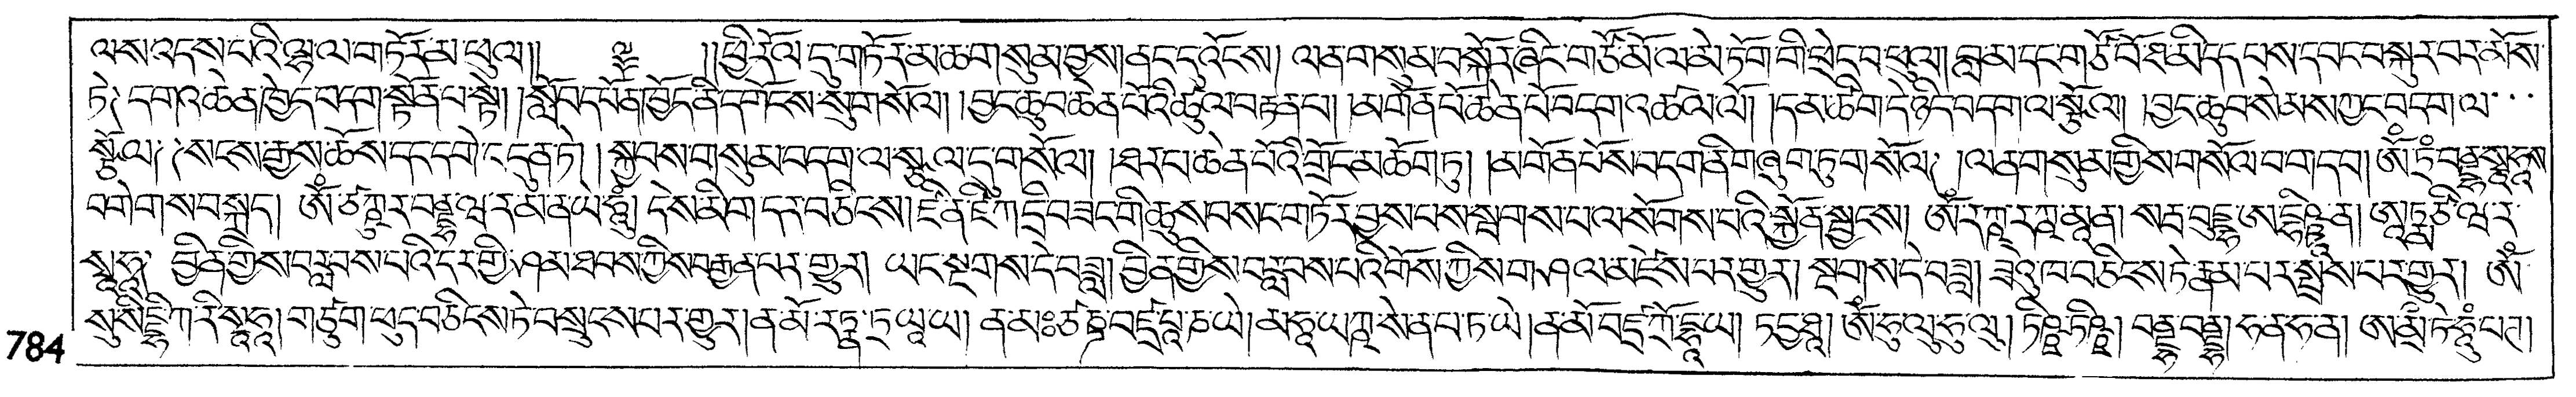ལས་འདས་པའི་ལྷ་ལ་གཏོར་མ་ཕུལ།། ༈ །།ཕྱི་རོལ་དུ་གཏོར་མ་ཆ་གསུམ་བྱས། ནང་དུ་འོངས། ལན་གསུམ་བསྐོར་ཞིང་གཙོ་མོ་ལ་མེ་ཏོག་གི་ཕྲེང་བ་ཕུལ། བླ་མ་དང་གཙོ་བོ་ཐ་མི་དད་པས་དབང་བསྐུར་བར་མོས་
ཏེ། དགའ་ཆེན་ཁྱེད་བདག་སྟོན་པ་སྟེ། །སློབ་དཔོན་ཁྱོད་ནི་དགོངས་སུ་གསོལ། །བྱང་ཆུབ་ཆེན་པོའི་ཚུལ་བརྟན་པ། །མགོན་པོ་ཆེན་པོ་བདག་འཚལ་ལོ། །དམ་ཚིག་དེ་ཉིད་བདག་ལ་སྩོལ། །བྱང་ཆུབ་སེམས་ཀྱང་བདག་ལ་
སྩོལ། །སངས་རྒྱས་ཆོས་དང་དགེ་བདུན་ཏེ། །སྐྱབས་གསུམ་བདག་ལ་སྩལ་དུ་གསོལ། །ཐར་པ་ཆེན་པོའི་གྲོང་མཆོག་ཏུ། །མགོན་པོས་བདག་ནི་གཞུག་ཏུ་གསོལ། །ལན་གསུམ་གྱིས་གསོལ་བ་གདབ། ཨོཾ་ཏྲཾ་བནྡྷ་སྭཱཧཱས་
བགེགས་བསྐྲད། ཨོཾ་ཙཀྵུར་བནྡྷ་ཝ་ར་མ་ན་ཡེ་ཧཱུཾ། དེས་མིག་དར་བཅིངས། ཛི་ན་ཛི་ཀ་དྲི་བཟང་གི་ཆུས་བསང་གཏོར་བྱས་པས་སྦགས་པ་ལ་སོགས་པའི་སྐྱོན་སྦྱངས། ཨོཾ་རཀྵ་རཀྵ་མཱན། སརྦ་བུདྡྷ་ཨ་དྷིཥཊཿཨཱ་ན། ཨཱཏྨ་ཙི་ཝ་ར་
སྭཱཧཱ། བྱིན་གྱིས་བརླབས་པའི་དར་གྱི་ཤམ་ཐབས་ཀྱིས་བརྒྱན་པར་གྱུར། ཡང་སྔགས་དེ་བཟླ། བྱིན་གྱིས་བརླབས་པའི་གོས་ཀྱིས་གཤལ་མཛེས་པར་གྱུར། སྔགས་དེ་བཟླ། ཟེའུ་ཁ་བཅིངས་ཏེ་རྣམ་པར་སྤྲས་པར་གྱུར། ཨོཾ་
སུ་སིདྡྷི་ཀ་རི་སྭཱཧཱ། གཙུག་ཕུད་བཅིངས་ཏེ་བསྲུངས་པར་གྱུར། ན་མོ་རཏྣ་ཏྲ་ཡཱ་ཡ། ན་མཿ ཙཎྜ་བཛྲ་པཱ་ཎ་ཡེ། མཧཱ་ཡཀྵ་སེ་ན་པ་ཏ་ཡེ། ན་མོ་བཛྲ་ཀྲོ་དྷཱ་ཡ། ཏ་དྱ་ཐཱ། ཨོཾ་ཧུ་ལུ་ཧུ་ལུ། ཏིཥཊཿཨ་ཏིཥཊཿཨ། བནྡྷ་བནྡྷ། ཧ་ན་ཧ་ན། ཨ་མྲྀ་ཏེ་ཧཱུཾ་ཕཊ།